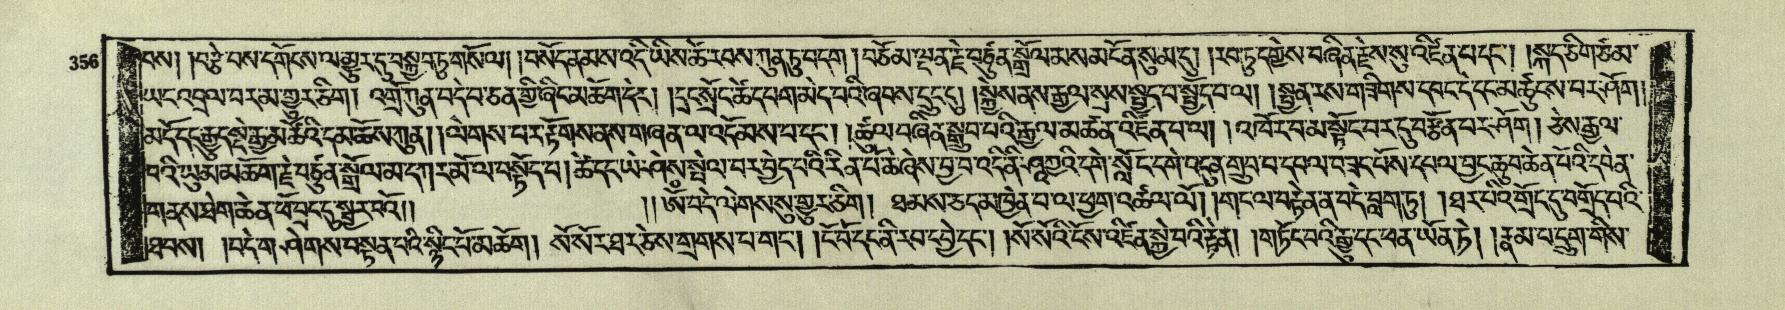བས། །བརྩེ་བས་དགོངས་ལ་མྱུར་དུ་བསྐྱབ་ཏུ་གསོལ། །བསོད་ནམས་འདི་ཡིས་ཚེ་རབས་ཀུན་ཏུ་བདག །བཅོམ་ལྡན་རྗེ་བཙུན་སྒྲོལ་མས་མངོན་སུམ་དུ། །རབ་ཏུ་དགྱེས་བཞིན་རྗེས་སུ་འཛིན་པ་དང་། །སྐད་ཅིག་ཙམ་
ཡང་འབྲལ་བར་མ་གྱུར་ཅིག། འགྲོ་ཀུན་བདེ་བ་ཅན་གྱི་ཞིང་མཆོག་དེར། །དྲང་སྲོང་ཚེ་དཔག་མེད་པའི་ཞབས་དྲུང་དུ། །སྐྱེས་ནས་རྒྱལ་སྲས་སྤྱད་པ་སྤྱོད་པ་ལ། །སྤྱན་རས་གཟིགས་དབང་དེ་དང་མཚུངས་པར་ཤོག།
མདོ་དང་རྒྱུད་སྡེ་རྒྱ་མཚོའི་དམ་ཆོས་ཀུན། །ལེགས་པར་རྟོགས་ནས་གཞན་ལ་འདོམས་པ་དང་། །ཚུལ་བཞིན་སྒྲུབ་པའི་རྒྱལ་མཚན་འཛིན་པ་ལ། །འཁོར་བ་མ་སྟོང་བར་དུ་བརྩོན་པར་ཤོག །ཅེས་རྒྱལ་
བའི་ཡུམ་མཆོག་རྗེ་བཙུན་སྒྲོལ་མ་དཀར་མོ་ལ་བསྟོད་པ་།ཚེ་དང་ཡེ་ཤེས་སྤེལ་བར་བྱེད་པའི་རིན་པོ་ཆེ་ཞེས་བྱ་བ་འདི་ནི་ཤཱཀྱའི་དགེ་སློང་དགེ་འདུན་གྲུབ་པ་དཔལ་བཟང་པོས་དཔལ་བྱང་ཆུབ་ཆེན་པོའི་དབེན་
གནས་ཐེག་ཆེན་ཕོ་བྲང་དུ་སྦྱར་བའོ།། །།ཨོཾ་བདེ་ལེགས་སུ་གྱུར་ཅིག། ཐམས་ཅད་མཁྱེན་པ་ལ་ཕྱག་འཚལ་ལོ། །གང་ལ་བརྟེན་ན་བདེ་བླག་ཏུ། །ཐར་པའི་གྲོང་དུ་བགྲོད་པའི་
ཐབས། །བདེ་གཤེགས་བསྟན་པའི་སྙིང་པོ་མཆོག། སོ་སོར་ཐར་ཅེས་གྲགས་པ་གང་། །ངོ་བོ་དང་ནི་རབ་དབྱེ་དང་། །སོ་སོའི་ངོས་འཛིན་སྐྱེ་བའི་རྟེན། །གཏོང་བའི་རྒྱུ་དང་ཕན་ཡོན་ཏེ། །རྣམ་པ་དྲུག་གིས་